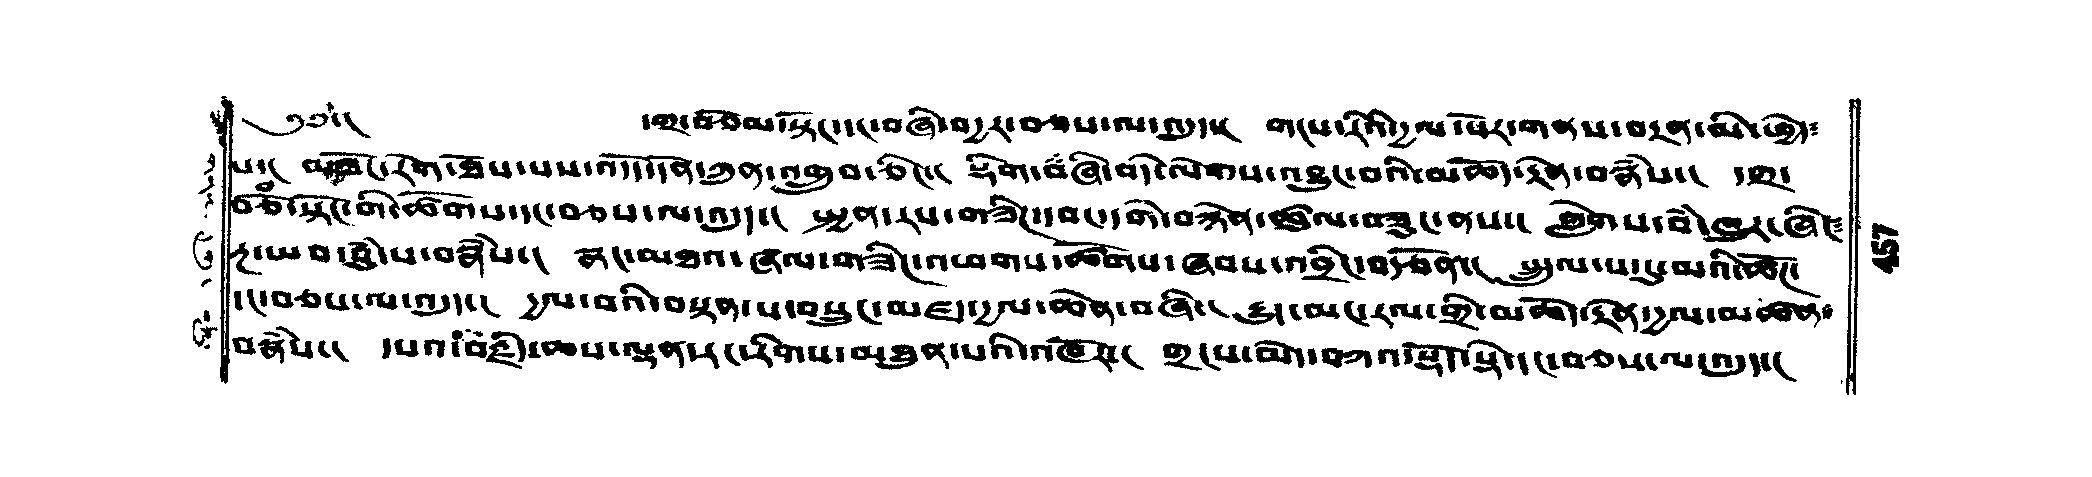དགྲ་བཅོམ་སྟོང་དང་བཞི་བརྒྱར་བཅས་ལ་འདུད། །གངས་རིའི་རྒྱལ་པོར་གནས་བརྟན་མི་ཕྱེད་
པ། །མཐོང་རེག་ཐོས་པས་འདོད་དོན་ཀུན་འགྲུབ་ཅིང་། །སྡིག་ཞི་བདེ་ལེགས་འབྱུང་བའི་མཆོད་རྟེན་བསྣམས། །དགྲ་
བཅོམ་སྟོང་གི་ཚོགས་དང་བཅས་ལ་འདུད། །སྤྱན་རས་གཟིགས་དབང་དགེ་བསྙེན་ཚུལ་བཟུང་ནས། །གླེགས་བམ་ཁུར་ཞིང་
རྔ་ཡབ་བུམ་པ་བསྣམས། །སྣང་མཐའ་ཞལ་གཟིགས་འཕགས་ཚོགས་ཞབས་འབྲིང་བརྩོན། །སྤྲུལ་བ་དུ་མའི་ཚོགས་
དང་བཅས་ལ་འདུད། །རྒྱལ་བའི་བསྟན་པ་བསྲུང་མཛད་རྒྱལ་ཆེན་བཞི། །རྒྱུད་མང་རལ་གྲི་མཆོད་རྟེན་རྒྱལ་མཚན་
བསྣམས། །དཔའ་བརྗིད་ཆས་ལྡན་རང་རིགས་མཐུན་པའི་འཁོར། །གྲངས་མེད་བཀའ་སྡོད་སྡེ་དང་བཅས་ལ་འདུད།